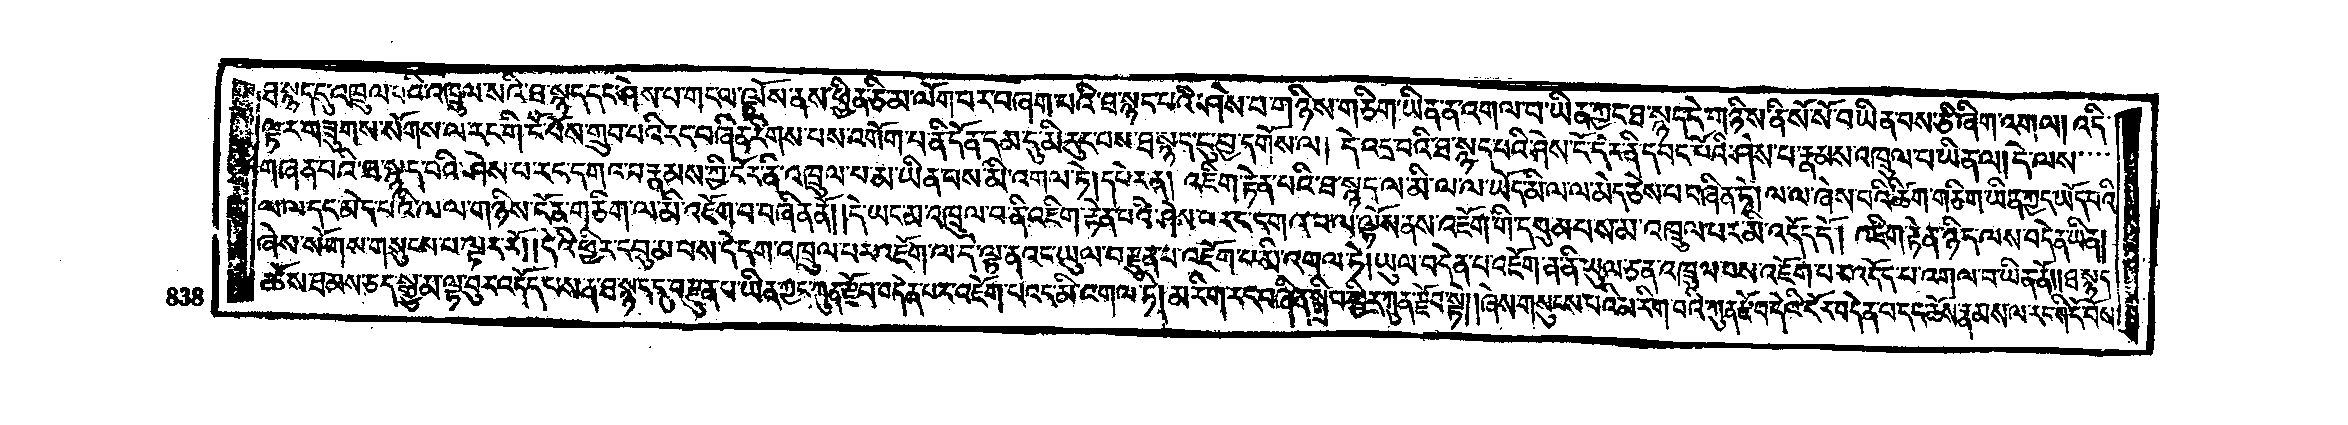ཐ་སྙད་དུ་འཁྲུལ་བའི་འཁྲུལ་སའི་ཐ་སྙད་དང་ཤེས་པ་གང་ལ་ལྟོས་ནས་ཕྱིན་ཅི་མ་ལོག་པར་བཞག་པའི་ཐ་སྙད་པའི་ཤེས་པ་གཉིས་གཅིག་ཡིན་ན་འགལ་བ་ཡིན་ཀྱང་ཐ་སྙད་དེ་གཉིས་ནི་སོ་སོ་བ་ཡིན་པས་ཅི་ཞིག་འགལ། འདི་
ལྟར་གཟུགས་སོགས་ལ་རང་གི་ངོ་བོས་གྲུབ་པའི་རང་བཞིན་རིགས་པས་འགོག་པ་ནི་དོན་དམ་དུ་མི་རུང་བས་ཐ་སྙད་དུ་བྱ་དགོས་ལ། དེ་འདྲ་བའི་ཐ་སྙད་པའི་ཤེས་ངོ་དེར་ནི་དབང་པོའི་ཤེས་པ་རྣམས་འཁྲུལ་བ་ཡིན་ལ། དེ་ལས་
གཞན་པའི་ཐ་སྙད་པའི་ཤེས་པ་རང་དགའ་བ་རྣམས་ཀྱི་ངོར་ནི་འཁྲུལ་པ་མ་ཡིན་པས་མི་འགལ་ཏེ། དཔེར་ན། འཇིག་རྟེན་པའི་ཐ་སྙད་ལ་མི་ལ་ལ་ཡོད་མི་ལ་ལ་མེད་ཅེས་ཕ་བཞིན་ཏེ། ལ་ལ་ཞེས་པའི་ཚིག་གཅིག་ཡིན་ཀྱང་ཡོད་པའི་
ལ་ལ་དང་མེད་པའི་ལ་ལ་གཉིས་དོན་གཅིག་ལ་མི་འཇོག་པ་བཞིན་ནོ། །དེ་ཡང་མ་འཁྲུལ་བ་ནི་འཇིག་རྟེན་པའི་ཤེས་པ་རང་དགའ་བ་ལ་ལྟོས་ནས་འཇོག་གི་དབུ་མ་པས་མ་འཁྲུལ་བར་མི་འདོད་དེ། འཇིག་རྟེན་ཉིད་ལས་བདེན་ཡིན།
ཞེས་སོགས་གསུངས་པ་ལྟར་རོ། །དེའི་ཕྱིར་དབུ་མ་པས་དེ་དག་འཁྲུལ་པར་འཇོག་ལ་དེ་ལྟ་ནའང་ཡུལ་བརྫུན་པ་འཇོག་པ་མི་འགལ་ཏེ། ཡུལ་བདེན་པ་འཇོག་ན་ནི་ཡུལ་ཅན་འཁྲུལ་པས་འཇོག་པར་འདོད་པ་འགལ་བ་ཡིན་ནོ། །ཐ་སྙད་
དུ་ཆོས་ཐམས་ཅད་སྒྱུ་མ་ལྟ་བུར་འདོད་པས་ན་ཐ་སྙད་དུ་བརྫུན་པ་ཡིན་ཀྱང་ཀུན་རྫོབ་བདེན་པར་འཇོག་པའང་མི་འགལ་ཏེ། མ་རིག་རང་བཞིན་སྒྲིབ་ཕྱིར་ཀུན་རྫོབ་སྟེ། །ཞེས་གསུངས་པའི་མ་རིག་པའི་ཀུན་རྫོབ་དེའི་ངོར་བདེན་པ་དང་ཆོས་རྣམས་ལ་རང་གི་ངོ་བོས་